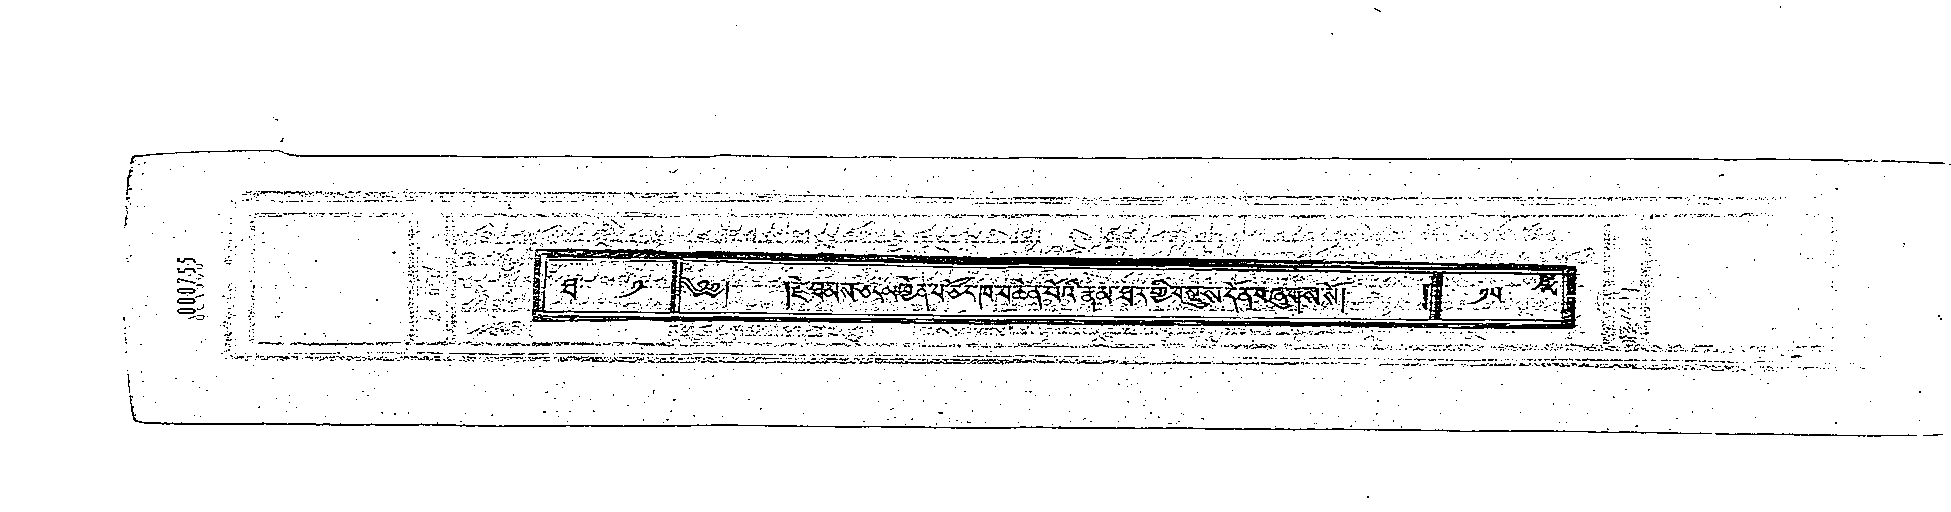ཁ ༡༠?
ཐ ༡་༄༅། །རྗེ་ཐམས་ཅད་མཁྱེན་པ་ཙོང་ཁ་པ་ཆེན་པོའི་རྣམ་ཐར་གྱི་བསྡུས་དོན་བཞུགས་སོ། །